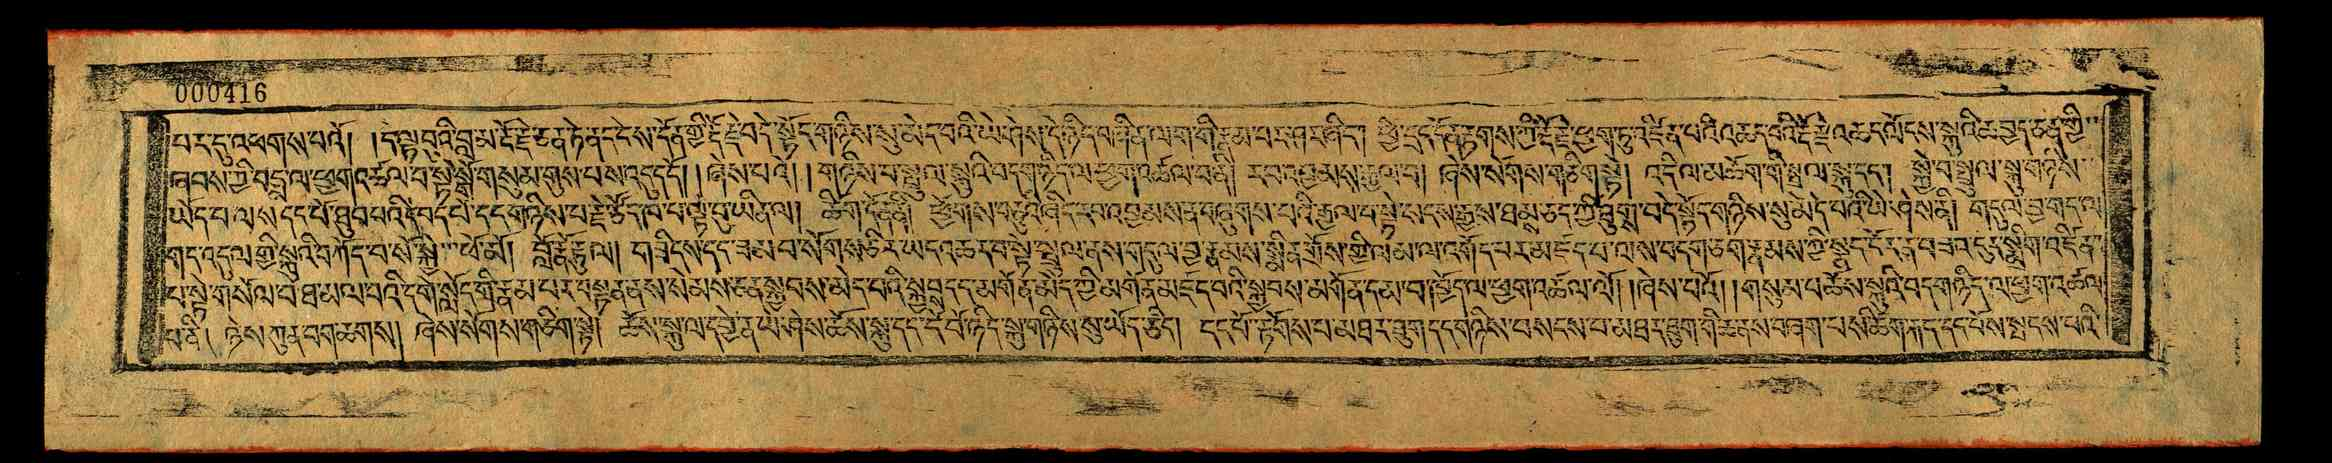པར་དུ་འཕགས་པའོ། །དེ་ལྟ་བུའི་བླ་མ་རྡོ་རྗེ་ཅན་ཏེ་ནང་ངེས་དོན་གྱི་རྡོ་རྗེ་བདེ་སྟོང་གཉིས་སུ་མེད་པའི་ཡེ་ཤེས་དེ་ཉིད་བཞིན་ལག་གི་རྣམ་པར་ཤར་ཞིང་། ཕྱི་དྲང་དོན་རྟགས་ཀྱི་རྡོ་རྗེ་ཕྱག་ཏུ་འཛིན་པའི་འཆང་བའི་རྡོ་རྗེ་འཆང་ལོངས་སྐུའི་ཆ་བྱད་ཅན་གྱི་
ཞབས་ཀྱི་པདམ་ལ་ཕྱག་འཚལ་བ་སྟེ་སྒོ་གསུམ་གུས་པས་འདུད་དོ། །ཞེས་པའོ། །གཉིས་པ་སྤྲུལ་སྐུའི་བདག་ཉིད་ལ་ཕྱག་འཚལ་བ་ནི། རབ་འབྱམས་རྒྱལ་བ། ཞེས་སོགས་གཅིག་སྟེ། འདི་ལ་མཆོག་གི་སྤྲུལ་སྐུ་དང་། སྐྱེ་བ་སྤྲུལ་སྐུ་གཉིས་
ཡོད་པ་ལས་དང་པོ་ཐུབ་པའི་དབང་པོ་དང་གཉིས་པ་རྗེ་ཙོང་ཁ་པ་ལྟ་བུ་ཡིན་ལ། ཚིག་དོན་ནི། ཕྱོགས་བཅུའི་ཞིང་རབ་འབྱམས་ན་བཞུགས་པའི་རྒྱལ་བ་སྟེ་སངས་རྒྱས་ཐམས་ཅད་ཀྱི་ཐུགས་བདེ་སྟོང་གཉིས་སུ་མེད་པའི་ཡེ་ཤེས་ནི། གདུལ་བྱ་གང་ལ་
གང་འདུལ་གྱི་སྐུའི་བཀོད་པ་སོ་སྐྱེ་ཕོ་མོ། བློ་རྣོ་རྟུལ། གཟིངས་དང་ཟམ་པ་སོགས་ཅིར་ཡང་འཆར་བ་སྟེ་སྤྲུལ་ནས་གདུལ་བྱ་རྣམས་སྨིན་གྲོལ་གྱི་ལམ་ལ་འགོད་པར་མཛད་པ་ལས་བདག་ཅག་རྣམས་ཀྱི་སྣང་ངོར་ན་བཟའ་ངུར་སྨྲིག་འཛིན་
པ་སྟེ་གསོལ་བ་ཐ་མལ་བའི་དགེ་སློང་གི་རྣམ་པར་བསྟན་ནས་སེམས་ཅན་སྐྱབས་མེད་པའི་སྐྱབས་དང་མགོན་མེད་ཀྱི་མགོན་མཛད་པའི་སྐྱབས་མགོན་དམ་པ་ཁྱོད་ལ་ཕྱག་འཚལ་ལོ། །ཞེས་པའོ། །གསུམ་པ་ཆོས་སྐུའི་བདག་ཉིད་ལ་ཕྱག་འཚལ་
བ་ནི༑ ཉེས་ཀུན་བག་ཆགས། ཞེས་སོགས་གཅིག་སྟེ། ཆོས་སྐུ་ལ་དབྱེ་ན་ཡེ་ཤེས་ཆོས་སྐུ་དང་ངོ་བོ་ཉིད་སྐུ་གཉིས་སུ་ཡོད་ཅིང་། དང་པོ་རྟོགས་པ་མཐར་ཐུག་དང་གཉིས་པ་སྤངས་པ་མཐར་ཐུག་གི་ཆ་ནས་བཞག་པས་ཚིག་རྐང་དང་པོས་སྤངས་པའ་